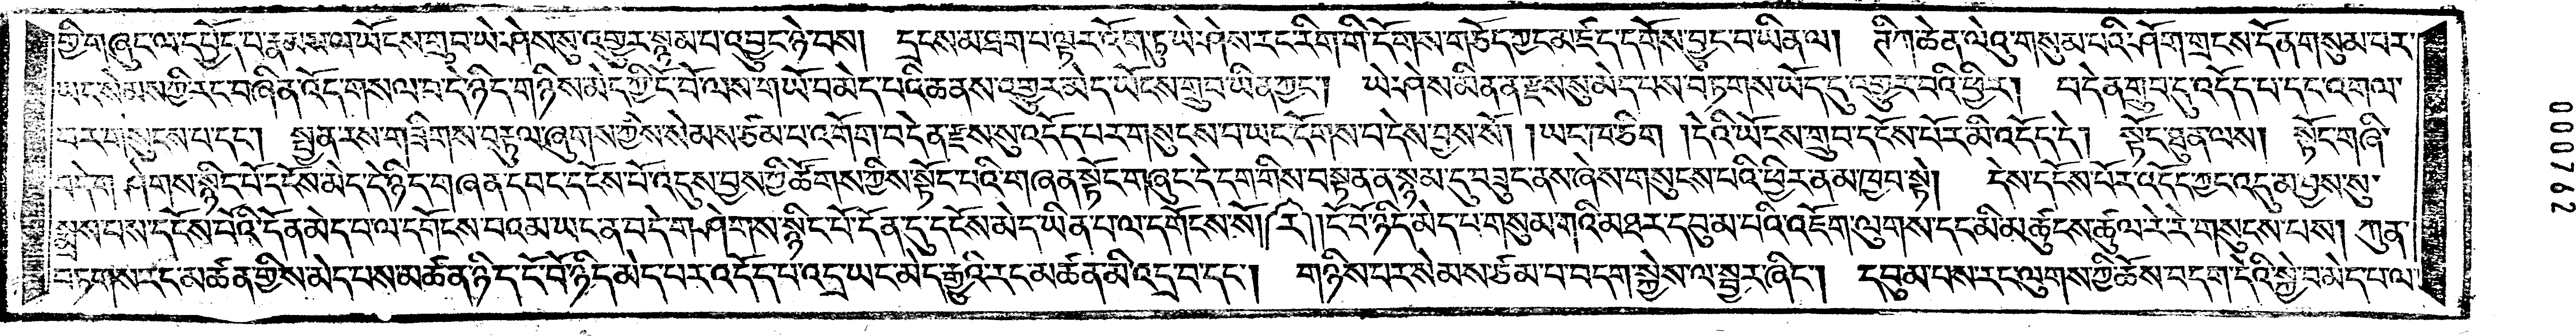གྱི་གཞུང་ལ་དཔྱོད་པ་རྣམས་ལ་ཡོངས་གྲུབ་ཡེ་ཤེས་སུ་འགྱུར་སྙམ་པ་འབྱུང་ཉེ་བས། དྲངས་མ་ཐག་པ་ལྟར་འོག་ཏུ་ཡེ་ཤེས་རང་རིག་གི་དོགས་གཅོད་ཀྱང་མཛད་དགོས་བྱུང་བ་ཡིན་ལ། ཊིཀ་ཆེན་ལེའུ་གསུམ་པའི་ཤོག་གྲངས་དོན་གསུམ་པར་
ཡང་སེམས་ཀྱི་རང་བཞིན་འོད་གསལ་བ་དེ་ཉིད་གཉིས་མེད་ཀྱི་ངོ་བོ་ལས་གཡོ་བ་མེད་པའི་ཆ་ནས་འགྱུར་མེད་ཡོངས་གྲུབ་ཡིན་ཀྱང་། ཡེ་ཤེས་མིན་ན་རྫས་སུ་མེད་པས་བཏགས་ཡོད་དུ་འགྱུར་བའི་ཕྱིར། བདེན་གྲུབ་ཏུ་འདོད་པ་དང་འགལ་
བར་གསུངས་པ་དང་། སྤྱན་རས་གཟིགས་བརྟུལ་ཞུགས་ཀྱིས་སེམས་ཙམ་པ་འགོག་བདེན་རྫས་སུ་འདོད་པར་གསུངས་པ་ཡང་དོགས་པ་དེས་བྱས་སོ། །ཡང་ཁ་ཅིག །དེའི་ཡོངས་གྲུབ་དངོས་པོར་མི་འདོད་དེ། སྟོང་ཐུན་ལས། སྟོང་གཞི་
བདེ་གཤེགས་སྙིང་པོ་དངོས་མེད་དེ་ཉིད་གཞན་དབང་དངོས་པོ་འདུས་བྱས་ཀྱི་ཚོགས་ཀྱིས་སྟོང་པའི་གཞན་སྟོང་གཞུང་དེ་དག་གིས་བསྟན་ན་སྙམ་དུ་བཟུང་ནས་ཞེས་གསུངས་པའི་ཕྱིར་ན་མ་ཁྱབ་སྟེ། དེས་དངོས་པོར་འདོད་ཀྱང་འདུ་མ་བྱས་སུ་
སྨྲས་པས་དངོས་པོའི་དོན་མེད་པ་ལ་དགོངས་པའམ་ཡང་ན་བདེ་གཤེགས་སྙིང་པོ་དོན་དུ་དངོས་མེད་ཡིན་པ་ལ་དགོངས་སོ། ༼ར༽ །ངོ་བོ་ཉིད་མེད་པ་གསུམ་གའི་མཐར་དབུ་མ་པའི་འཇོག་ལུགས་དང་མི་མཚུངས་ཚུལ་རེ་རེ་གསུངས་པས། ཀུན་
བཏགས་རང་མཚན་གྱིས་མེད་པས་མཚན་ཉིད་ངོ་བོ་ཉིད་མེད་པར་འདོད་པ་འདྲ་ཡང་མེད་རྒྱུའི་རང་མཚན་མི་འདྲ་བ་དང་། གཉིས་པར་སེམས་ཙམ་པ་བདག་སྐྱེས་ལ་སྦྱར་ཞིང་། དབུ་མ་པས་རང་ལུགས་ཀྱི་ཆོས་བདག་དེའི་སྐྱེ་བ་མེད་པ་ལ་